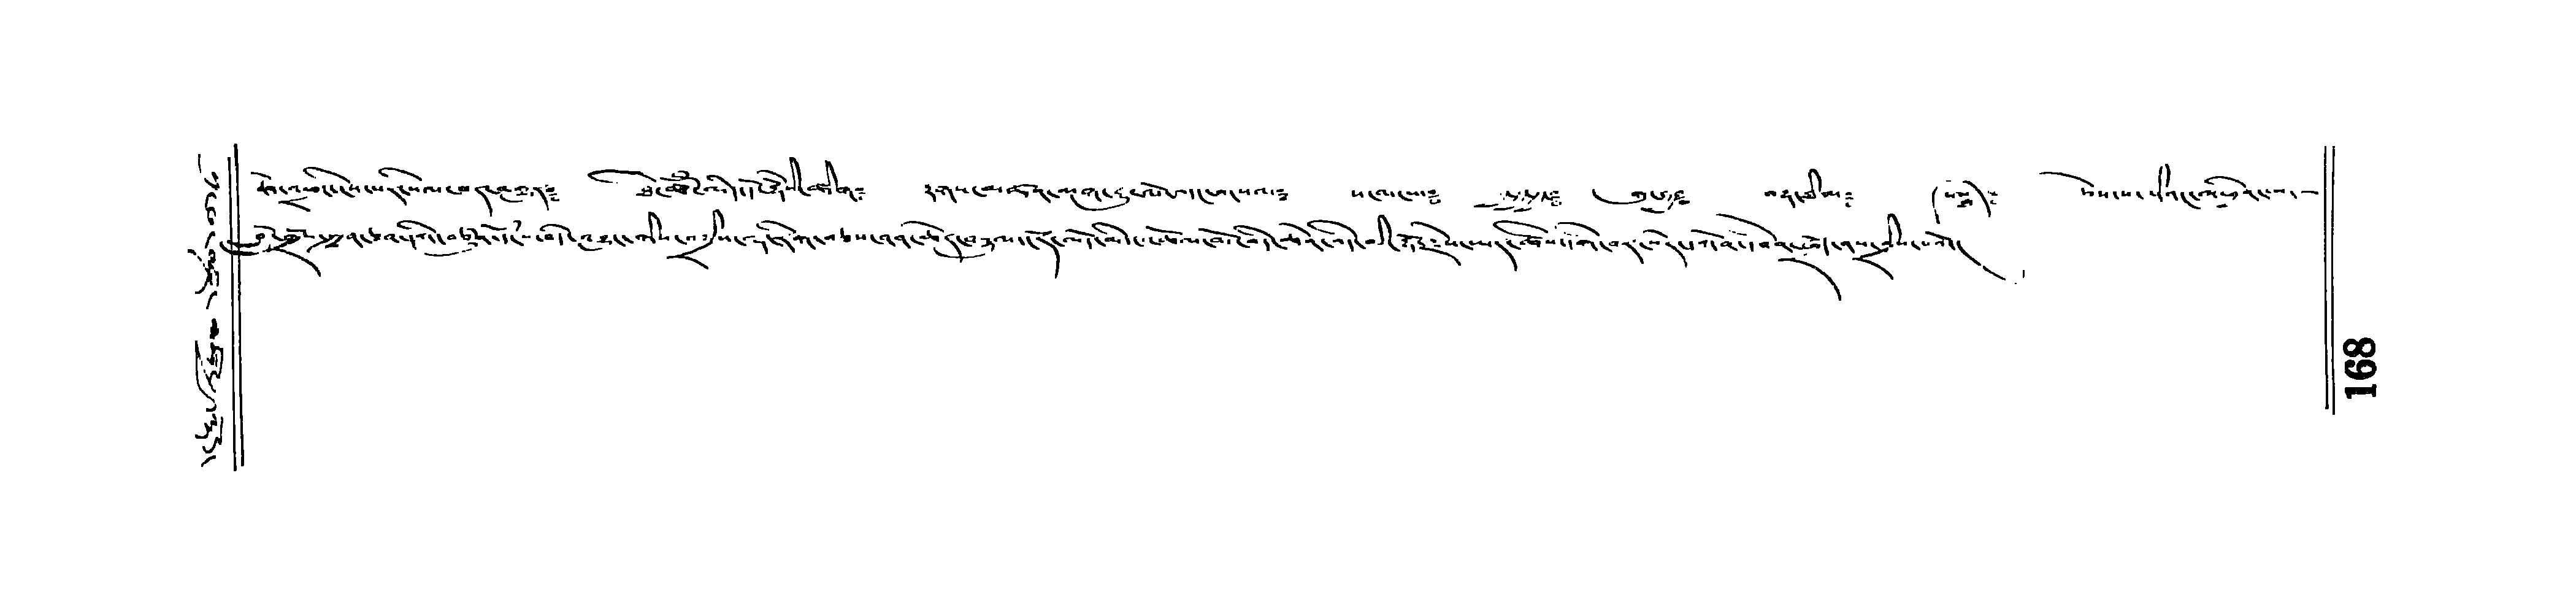ཆེ་འཕྲང་ངེས་པར་སེལ་བར་འགྱུར༔ ཐེ་ཚོམ་མེད་དོ་རྡོ་རྗེའི་ཚིག༔ རྟགས་མཚན་ལག་ཏུ་ལོངས་དང་གསལ༔ ས་མ་ཡ༔ རྒྱ་རྒྱ་རྒྱ༔ གུ་ཧྱ༔ བརྡ་ཐིམ༔ ༔ ཅེས་པ་འདིའང་མཁྱེན་ཡངས་
བློ་གྲོས་སྤྱན་ཅན་དགེ་བཙུན་དམ་པ་བདེ་འབྱུང་གིས་བཀྲ་ཤིས་ལྷ་རེག་བཅས་ནན་ཆེར་བསྐུལ་ངོར་མདོ་མེད་འཆོལ་མོ་བདེ་ཆེན་བདེ་བའི་རྡོ་རྗེས་ཡར་ཚེས་དགེ་བར་སེར་དགོན་དབེན་ཁྲོད་ནས་བྲིས་པའོ།། དགེའོ།།